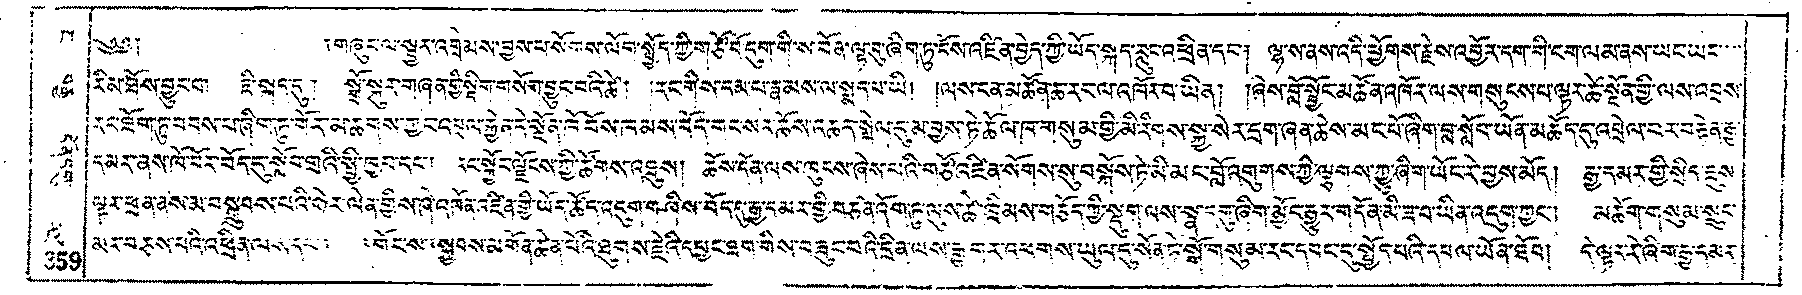༄༅། །གཞུང་ལ་སྦྱར་འགྲེམས་བྱས་པ་སོགས་ལོག་སྤྱོད་ཀྱི་གཙོ་བོ་དུག་གི་ས་བོན་ལྟ་བུ་ཞིག་ཏུ་ངོས་འཛིན་བྱེད་ཀྱི་ཡོད་སྐད་རླུང་འཕྲིན་དང་། ལྷ་ས་ནས་འདི་ཕྱོགས་རྗེས་འབྱོར་དག་གི་ངག་ལམ་ནས་ཡང་ཡང་
རིམ་ཐོས་བྱུང་བ། ཇི་སྐད་དུ། སྒྲོ་སྐུར་གཞན་གྱི་སྡིག་གསོག་བྱུང་བའི་ཚེ། །རང་གིས་དམ་པ་རྣམས་ལ་སྨད་པ་ཡི། །ལས་ངན་མཚོན་ཆ་རང་ལ་འཁོར་བ་ཡིན། །ཞེས་བློ་སྦྱོང་མཚོན་འཁོར་ལས་གསུངས་པ་ལྟར་ཚེ་སྔོན་གྱི་ལས་འབྲས་
རང་ཐོག་ཏུ་བབས་པ་ཞིག་ཏུ་གོར་མ་ཆགས་ཀྱང་འཕྲལ་རྐྱེན་དེ་སྔོན་ཁོ་བོས་ཁམས་བོད་གང་སར་ཆོས་འཆད་སྤེལ་དུ་མ་བྱས་ཏེ་ཆོལ་ཁ་གསུམ་གྱི་མི་རིགས་སྐྱ་སེར་དྲག་ཞན་ཆེས་མང་པོ་ཞིག་བླ་སློབ་ཡོན་མཆོད་དུ་འབྲེལ་བར་བརྟེན་རྒྱ་
དམར་ནས་ཁོ་བོར་བོད་དུ་སློབ་གྲའི་སྤྱི་ཁྱབ་དང་། རང་སྐྱོང་ལྗོངས་ཀྱི་ཚོགས་འཐུས། ཆོས་དོན་ལས་ཁུངས་ཞེས་པའི་གཙོ་འཛིན་སོགས་སུ་བསྐོས་ཏེ་མི་མང་བློ་འགུགས་ཀྱི་ལྕགས་ཀྱུ་ཞིག་ཡོང་རེ་བྱས་མོད། རྒྱ་དམར་གྱི་སྲིད་ཇུས་
ལྟར་ཕྲན་ནས་མ་བསྒྲུབས་པའི་ཉེར་ལེན་གྱིས་ཞེ་འཁོན་འཛིན་གྱི་ཡོད་ཚོད་འདུག་གཤིས་བོད་དུ་རྒྱ་དམར་གྱི་བཙན་འོག་ཏུ་ལུས་ཚེ་ཁྲིམས་གཅོད་ཀྱི་སྡུག་ལས་སྣ་དགུ་ཞིག་མྱོང་རྒྱུར་གདོན་མི་ཟ་བ་ཡིན་འདུག་ཀྱང་། མཆོག་གསུམ་སྲུང་
མར་བཅས་པའི་འཕྲིན་ལས་དང་། ༧གོང་ས་༧སྐྱབས་མགོན་ཆེན་པོའི་ཐུགས་རྗེའི་དཔྱང་ཐག་གིས་བཟུང་བའི་དྲིན་ལས་རྒྱ་གར་འཕགས་ཡུལ་དུ་སོན་ཏེ་སྒོ་གསུམ་རང་དབང་དུ་སྤྱོད་པའི་དཔལ་ཡོན་ཐོབ། དེ་ལྟར་རེ་ཞིག་རྒྱ་དམར་